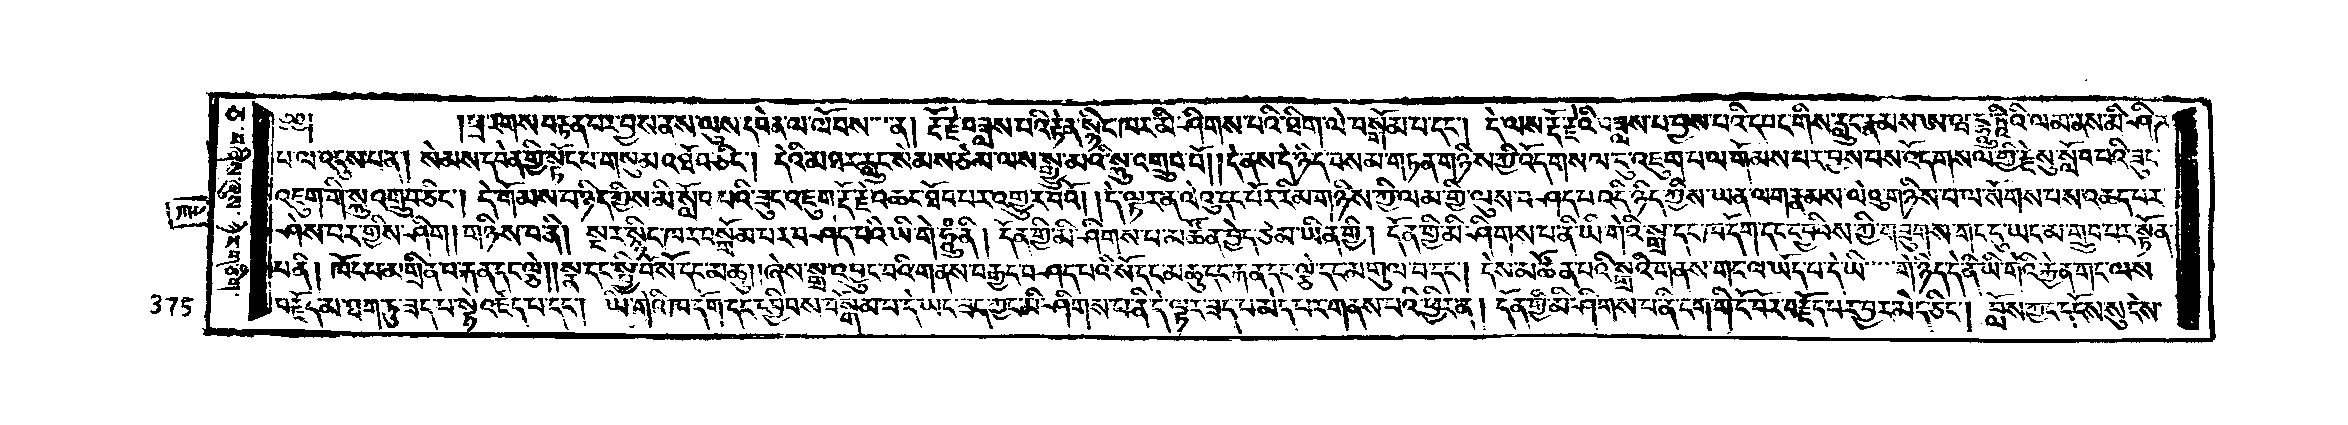༄༅། །ཕྲ་རགས་བརྟན་པར་བྱས་ནས་ལུས་དབེན་ལ་ལོབས་ན། རྡོ་རྗེ་བཟླས་པའི་རྟེན་སྙིང་ཁར་མི་ཤིགས་པའི་ཐིག་ལེ་བསྒོམ་པ་དང་། དེ་ལས་རྡོ་རྗེའི་བཟླས་པ་བྱས་པའི་དབང་གིས་རླུང་རྣམས་ཨ་ཝ་དྷཱུ་ཏཱིའི་ལམ་ནས་མི་ཤིགས་
པ་ལ་འདུས་པ་ན། སེམས་དབེན་གྱི་སྟོང་པ་གསུམ་འཐོབ་ཅིང་། དེའི་མཐར་རླུང་སེམས་ཙམ་ལས་སྒྱུ་མའི་སྐུ་འགྲུབ་བོ། །དེ་ནས་དེ་ཉིད་བསམ་གཏན་གཉིས་ཀྱི་འོད་གསལ་དུ་འཇུག་པ་ལ་གོམས་པར་བྱས་པས་འོད་གསལ་གྱི་རྗེས་སུ་སློབ་པའི་ཟུང་
འཇུག་གི་སྐུ་འགྲུབ་ཅིང་། དེ་གོམས་པ་ཉིད་ཀྱིས་མི་སློབ་པའི་ཟུང་འཇུག་རྡོ་རྗེ་འཆང་ཐོབ་པར་འགྱུར་བའོ། །དེ་ལྟར་ན་ལེའུ་དང་པོར་རིམ་གཉིས་ཀྱི་ལམ་གྱི་ལུས་བཤད་པ་འདི་ཉིད་ཀྱིས་ཡན་ལག་རྣམས་ལེའུ་གཉིས་པ་ལ་སོགས་པས་འཆད་པར་
ཤེས་པར་གྱིས་ཤིག །གཉིས་པ་ནི། སྔར་སྙིང་ཁར་བསྒོམ་པར་བཤད་པའི་ཡི་གེ་ཧཱུཾ་ནི། དོན་གྱི་མི་ཤིགས་པ་མཚོན་བྱེད་ཙམ་ཡིན་གྱི། དོན་གྱི་མི་ཤིགས་པ་ནི་ཡི་གེའི་སྒྲ་དང་ཁ་དོག་དང་དབྱིབས་ཀྱི་གཟུགས་གང་དུ་ཡང་མ་གྲུབ་པར་སྟོན་
པ་ནི། ཁོང་པ་མགྲིན་པ་རྐན་དང་ལྕེ། །སྣ་དང་སྤྱི་བོ་སོ་དང་མཆུ། །ཞེས་སྒྲ་འབྱུང་བའི་གནས་བརྒྱད་བཤད་པའི་སོ་དང་མཆུ་དང་རྐན་དང་ལྕེ་དང་མགུལ་བ་དང་། དེས་མཚོན་པའི་སྒྲའི་གནས་གང་ལ་ཡོད་པ་དེ་ཡི་གེ་ཉིད་དེ་ནི་ཡི་གེའི་རྐྱེན་གང་ལས་
བརྗོད་མ་ཐག་ཏུ་ཟད་པ་སྟེ་འཛད་པ་དང་། ཡི་གེའི་ཁ་དོག་དང་དབྱིབས་བསྒོམ་པ་དེ་ཡང་ཟད་ཀྱང་མི་ཤིགས་པ་ནི་དེ་ལྟར་ཟད་པ་མེད་པར་གནས་པའི་ཕྱིར་ན། དོན་གྱི་མི་ཤིགས་པ་ནི་ངག་གི་ངོ་བོར་བརྗོད་པར་བྱར་མེད་ཅིང་། བློས་ཀྱང་དངོས་སུ་ངེས་